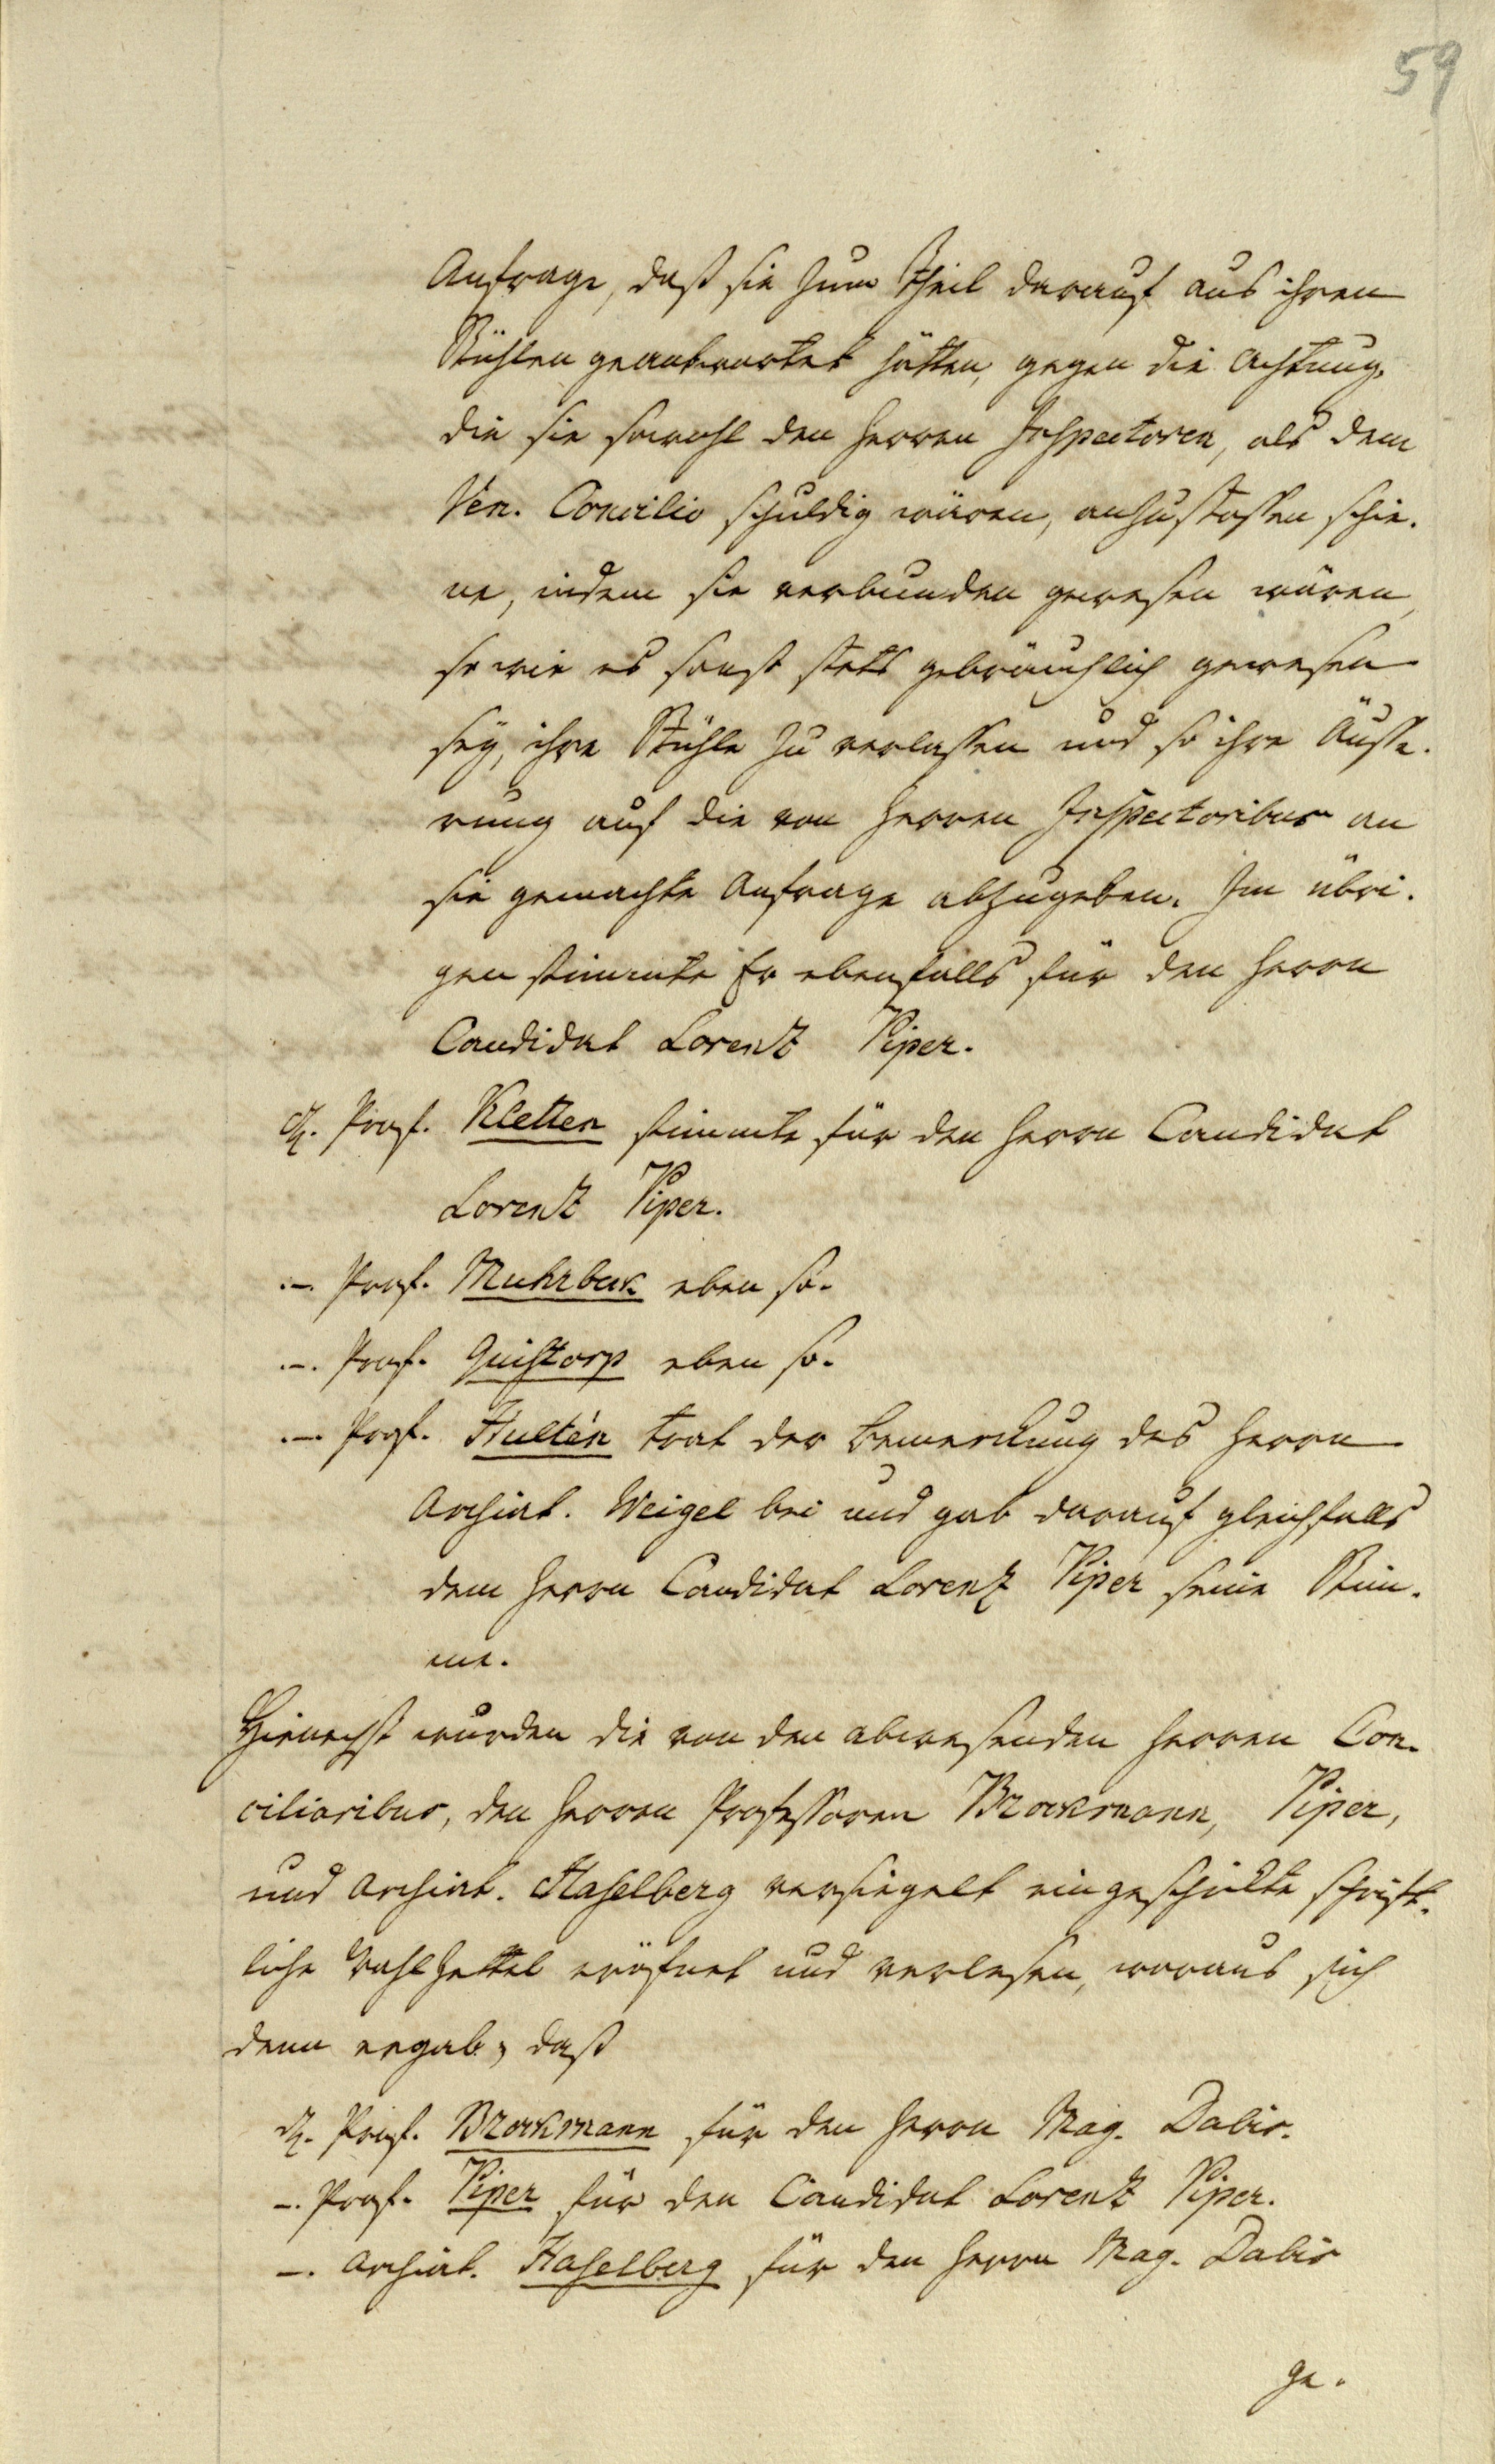Anfrage, daß sie zum Theil darauf aus ihren
Stühlen geantwortet hätten, gegen die Achtung,
die sie sowohl den Herren Inspectoren, als dem
Ven. Concilio schuldig wären, anzustossen schie¬
ne, indem sie verbunden gewesen wären,
so wie es sonst stets gebräuchlich gewesen
seÿ, ihre Stühle zu verlassen und so ihre Äusse¬
rung auf die von Herren Inspectoribus an
sie gemachte Anfrage abzugeben. Im übri¬
gen stimmte Er ebenfalls für den Herrn
Candidat Lorenz Piper.
dh. Prof. Kletten stimmte für den Herrn Candidat
Lorenz Piper.
Prof. Muhrbeck eben so.
Prof. Quistorp eben so.
Prof. Hultén trat der Bemerckung des Herrn
Archiat. Weigel bei und gab darauf gleichfalls
dem Herrn Candidat Lorenz Piper seine Stim¬
me.
Hienechst wurden die von den abwesenden Herren Con¬
ciliaribus, den Herren Professoren Brockmann, Piper,
und Archiat. Haselberg versiegelt eingeschickte schrift¬
liche Wahl Zettel eröfnet und verlesen, woraus sich
denn ergab; daß
dh. Prof. Brockmann für den Herrn Mag. Dabis.
Prof. Piper für den Candidat Lorenz Piper.
Archiat. Haselberg für den Herrn Mag. Dabis
ge¬